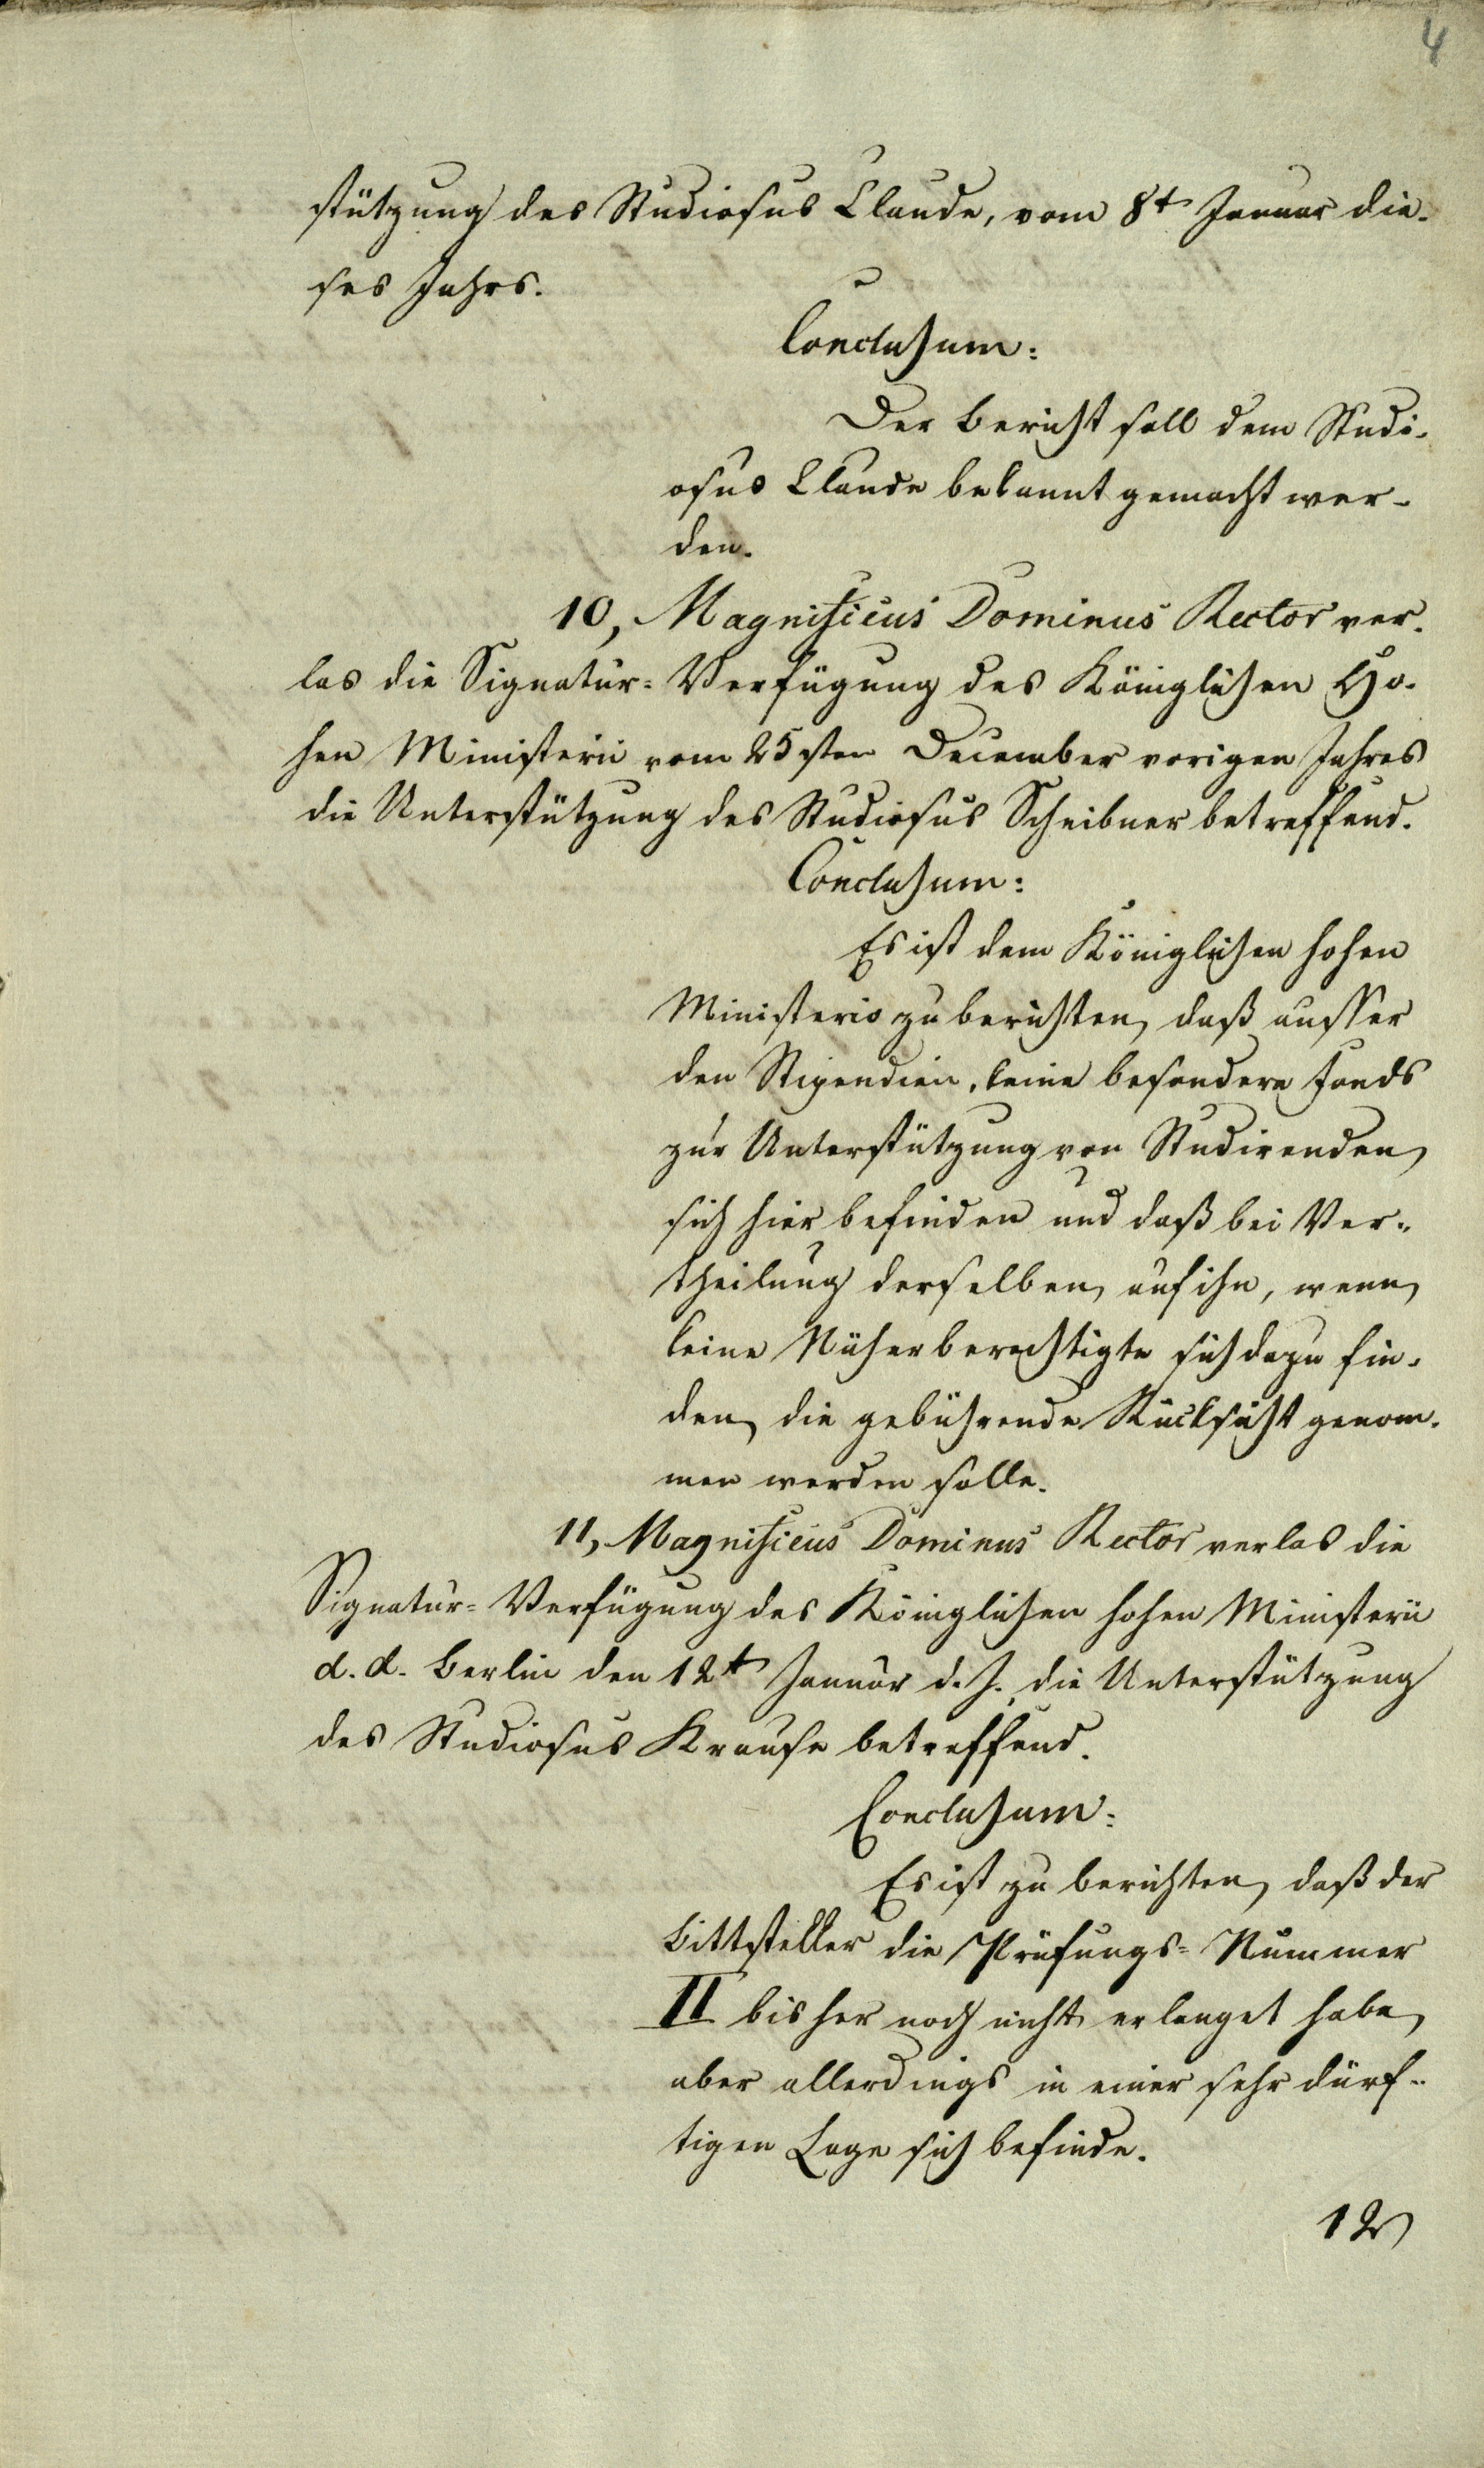stützung des Studiosus Claude, vom 8ten Januar die¬
ses Jahres.
Conclusum:
Der Bericht soll dem Studi¬
osus Claude bekannt gemacht wer¬
den.
10, Magnificus Dominus Rector ver¬
las die Signatur-Verfügung des Königlichen Ho¬
hen Ministerii vom 25sten December vorigen Jahres
die Unterstützung des Studiosus Scheibner betreffend.
Conclusum:
Es ist dem Königlichen hohen
Ministerio zu berichten, daß ausser
den Stipendien, keine besondern Fonds
zur Unterstützung von Studirenden
sich hier befinden und daß bei Ver¬
theilung derselben, auf ihn, wenn
keine Näherberechtigte sich dazu fin¬
den die gebührende Rücksicht genom¬
men werden solle.
11, Magnificus Dominus Rector verlas die
Signatur-Verfügung des Königlichen hohen Ministerii
d. d. Berlin den 12ten Januar d. J. die Unterstützung
des Studiosus Krause betreffend.
Conclusum:
Es ist zu berichten, daß der
Bittsteller die Prüfungs-Nummer
II bisher noch nicht erlanget habe,
aber allerdings in einer sehr dürf¬
tigen Lage sich befinde.
12